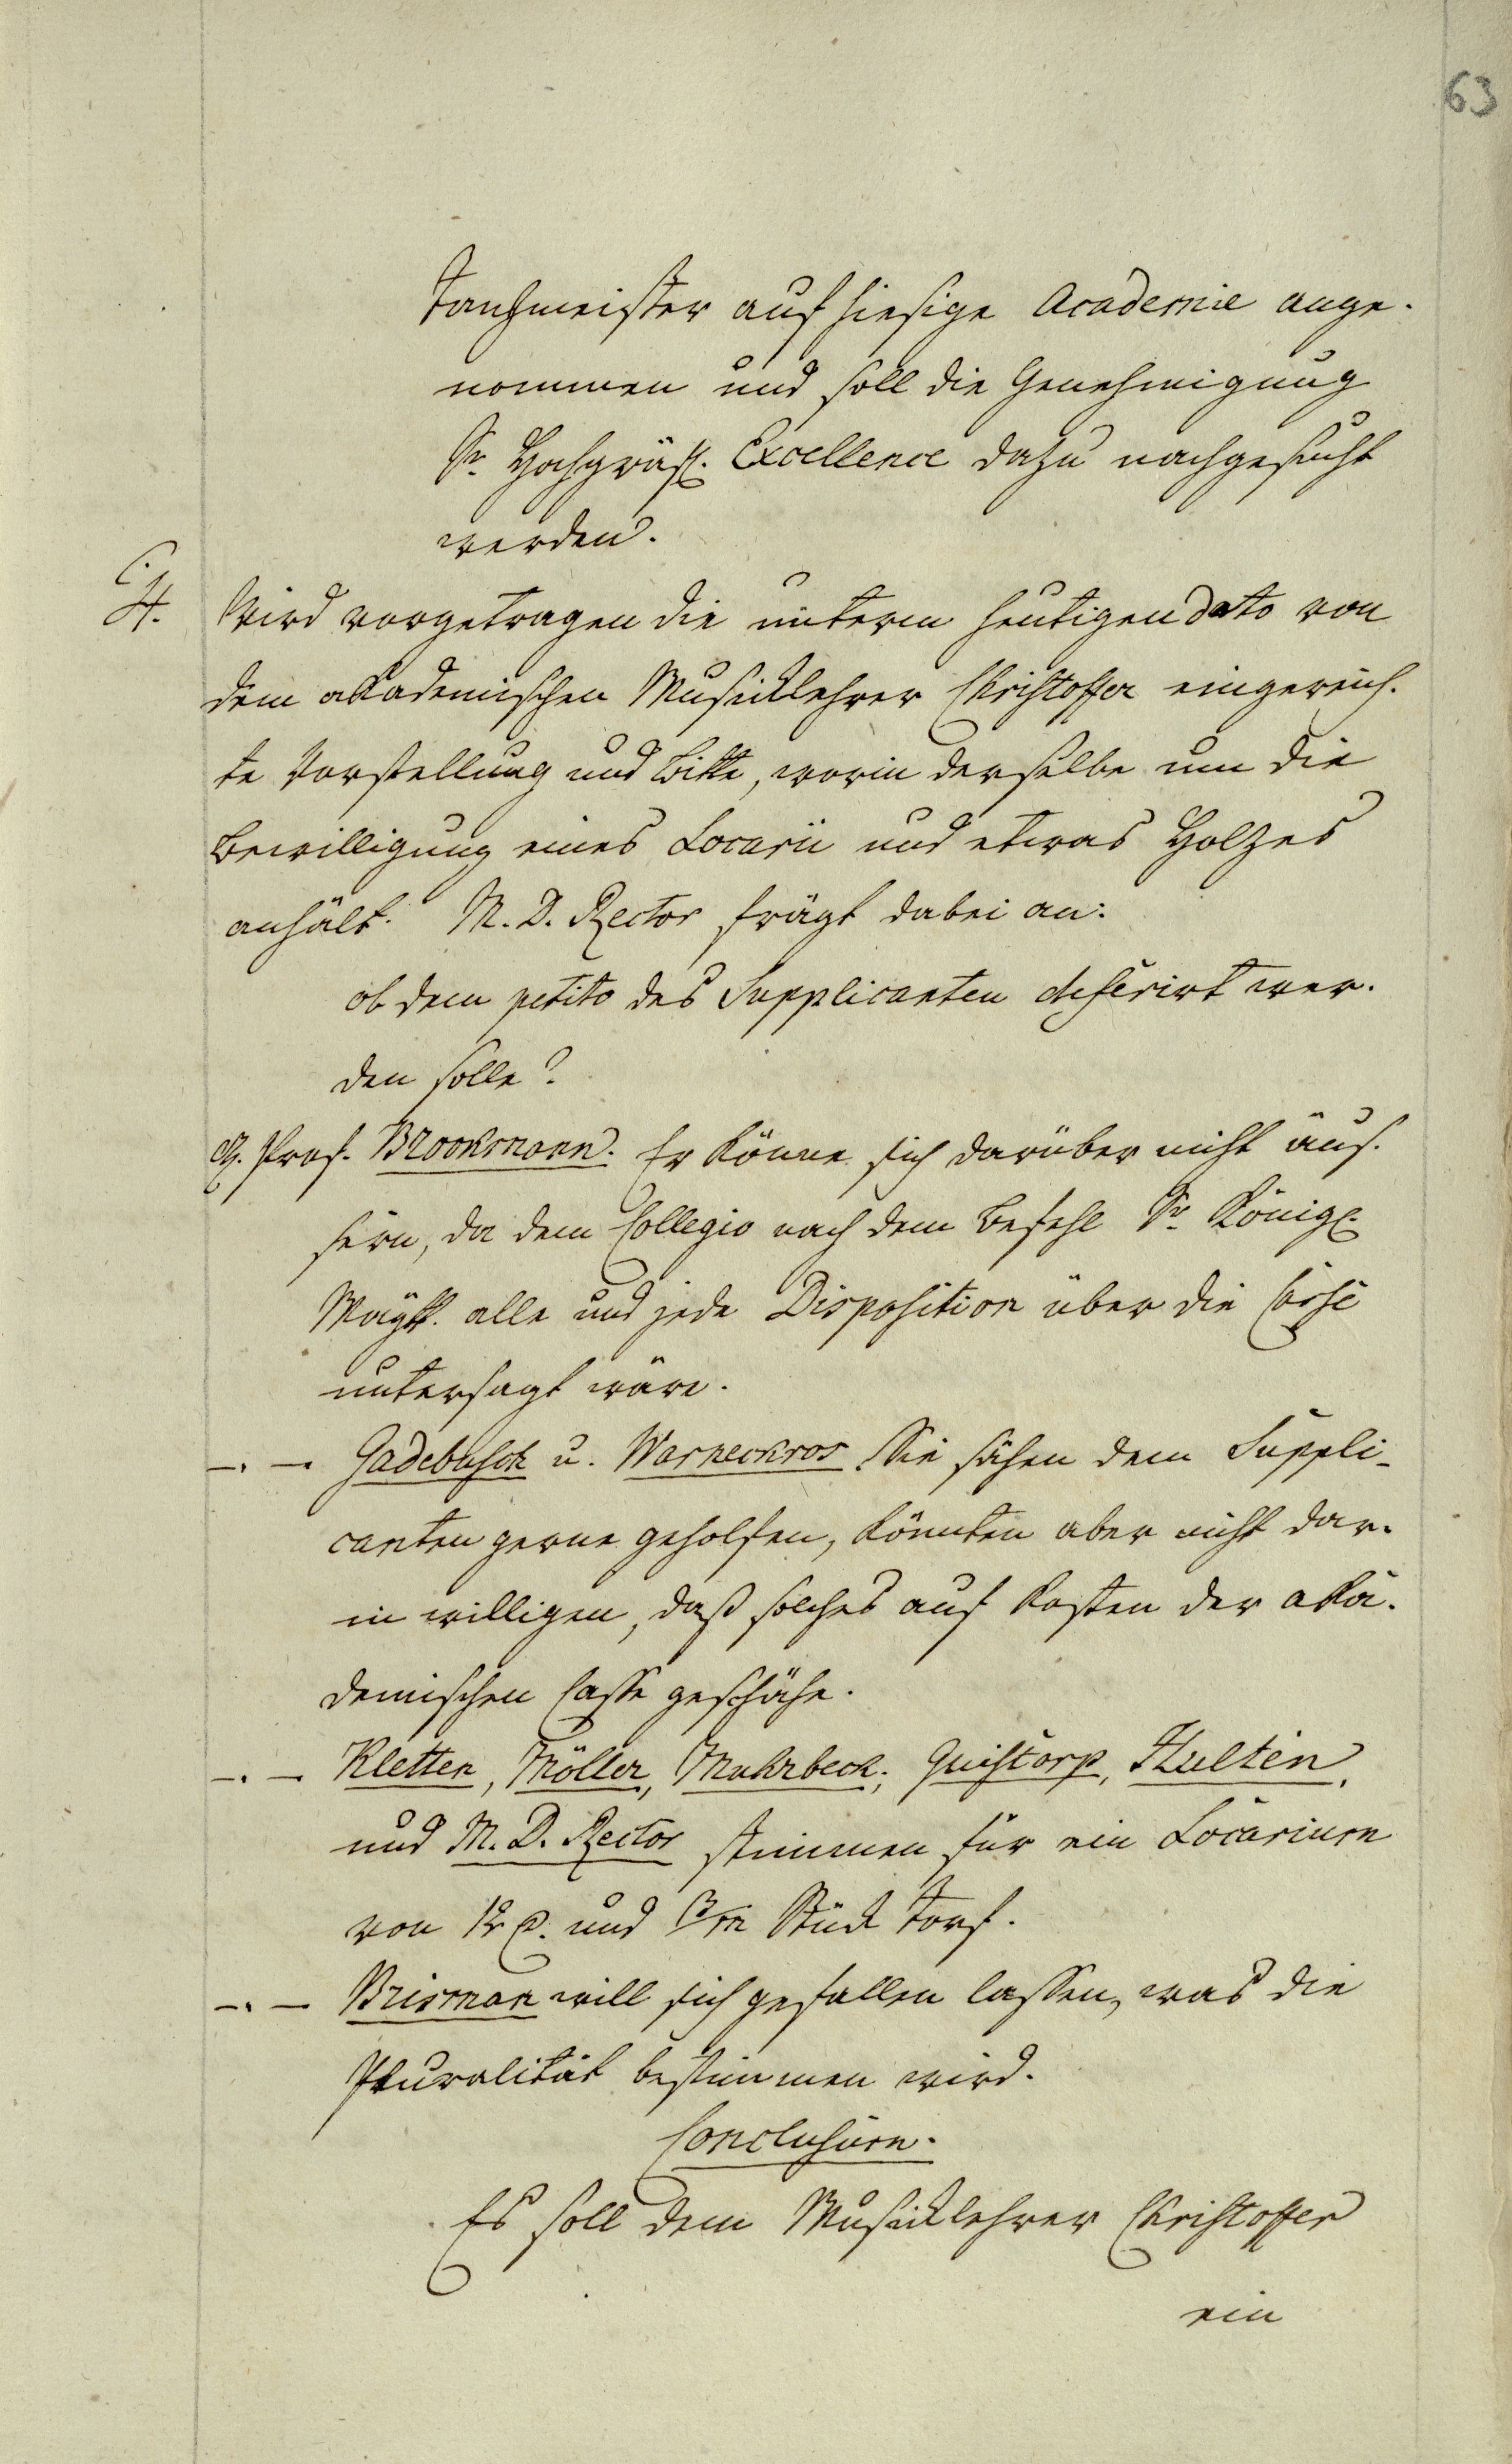Tanzmeister auf hiesige Academie ange¬
nommen und soll die Genehmigung
Sr Hochgräfl. Excellence dazu nachgesucht
werden.
4. Wird vorgetragen die unterm heutigen dato von
dem akademischen Musicklehrer Christoffer eingereich¬
te Vorstellung und Bitte, worin derselbe um die
Bewilligung eines Locarii und etwas Holzes
anhält. M. D. Rector frägt dabei an:
ob dem petito des Supplicanten deferirt wer¬
den solle?
dh. Prof. Brockmann. Er könne sich darüber nicht äus¬
sern, da dem Collegio nach dem Befehl Sr Königl.
Maÿtt. alle und jede Disposition über die Casse
untersagt wäre.
Gadebusch u. Warneckros. Sie sähen dem Suppli¬
canten gerne geholfen, könnten aber nicht dar¬
in willigen, daß solches auf Kosten der aka¬
demischen Casse geschähe.
Kletten, Möller, Muhrbeck; Quistorp, Hultén,
und M. D. Rector stimmen für ein Locarium
von 12. l. und 3/m Stück Torf.
Brisman will sich gefallen lassen, was die
Pluralität bestimmen wird.
Conclusum.
Es soll dem Musicklehrer Christoffer
ein